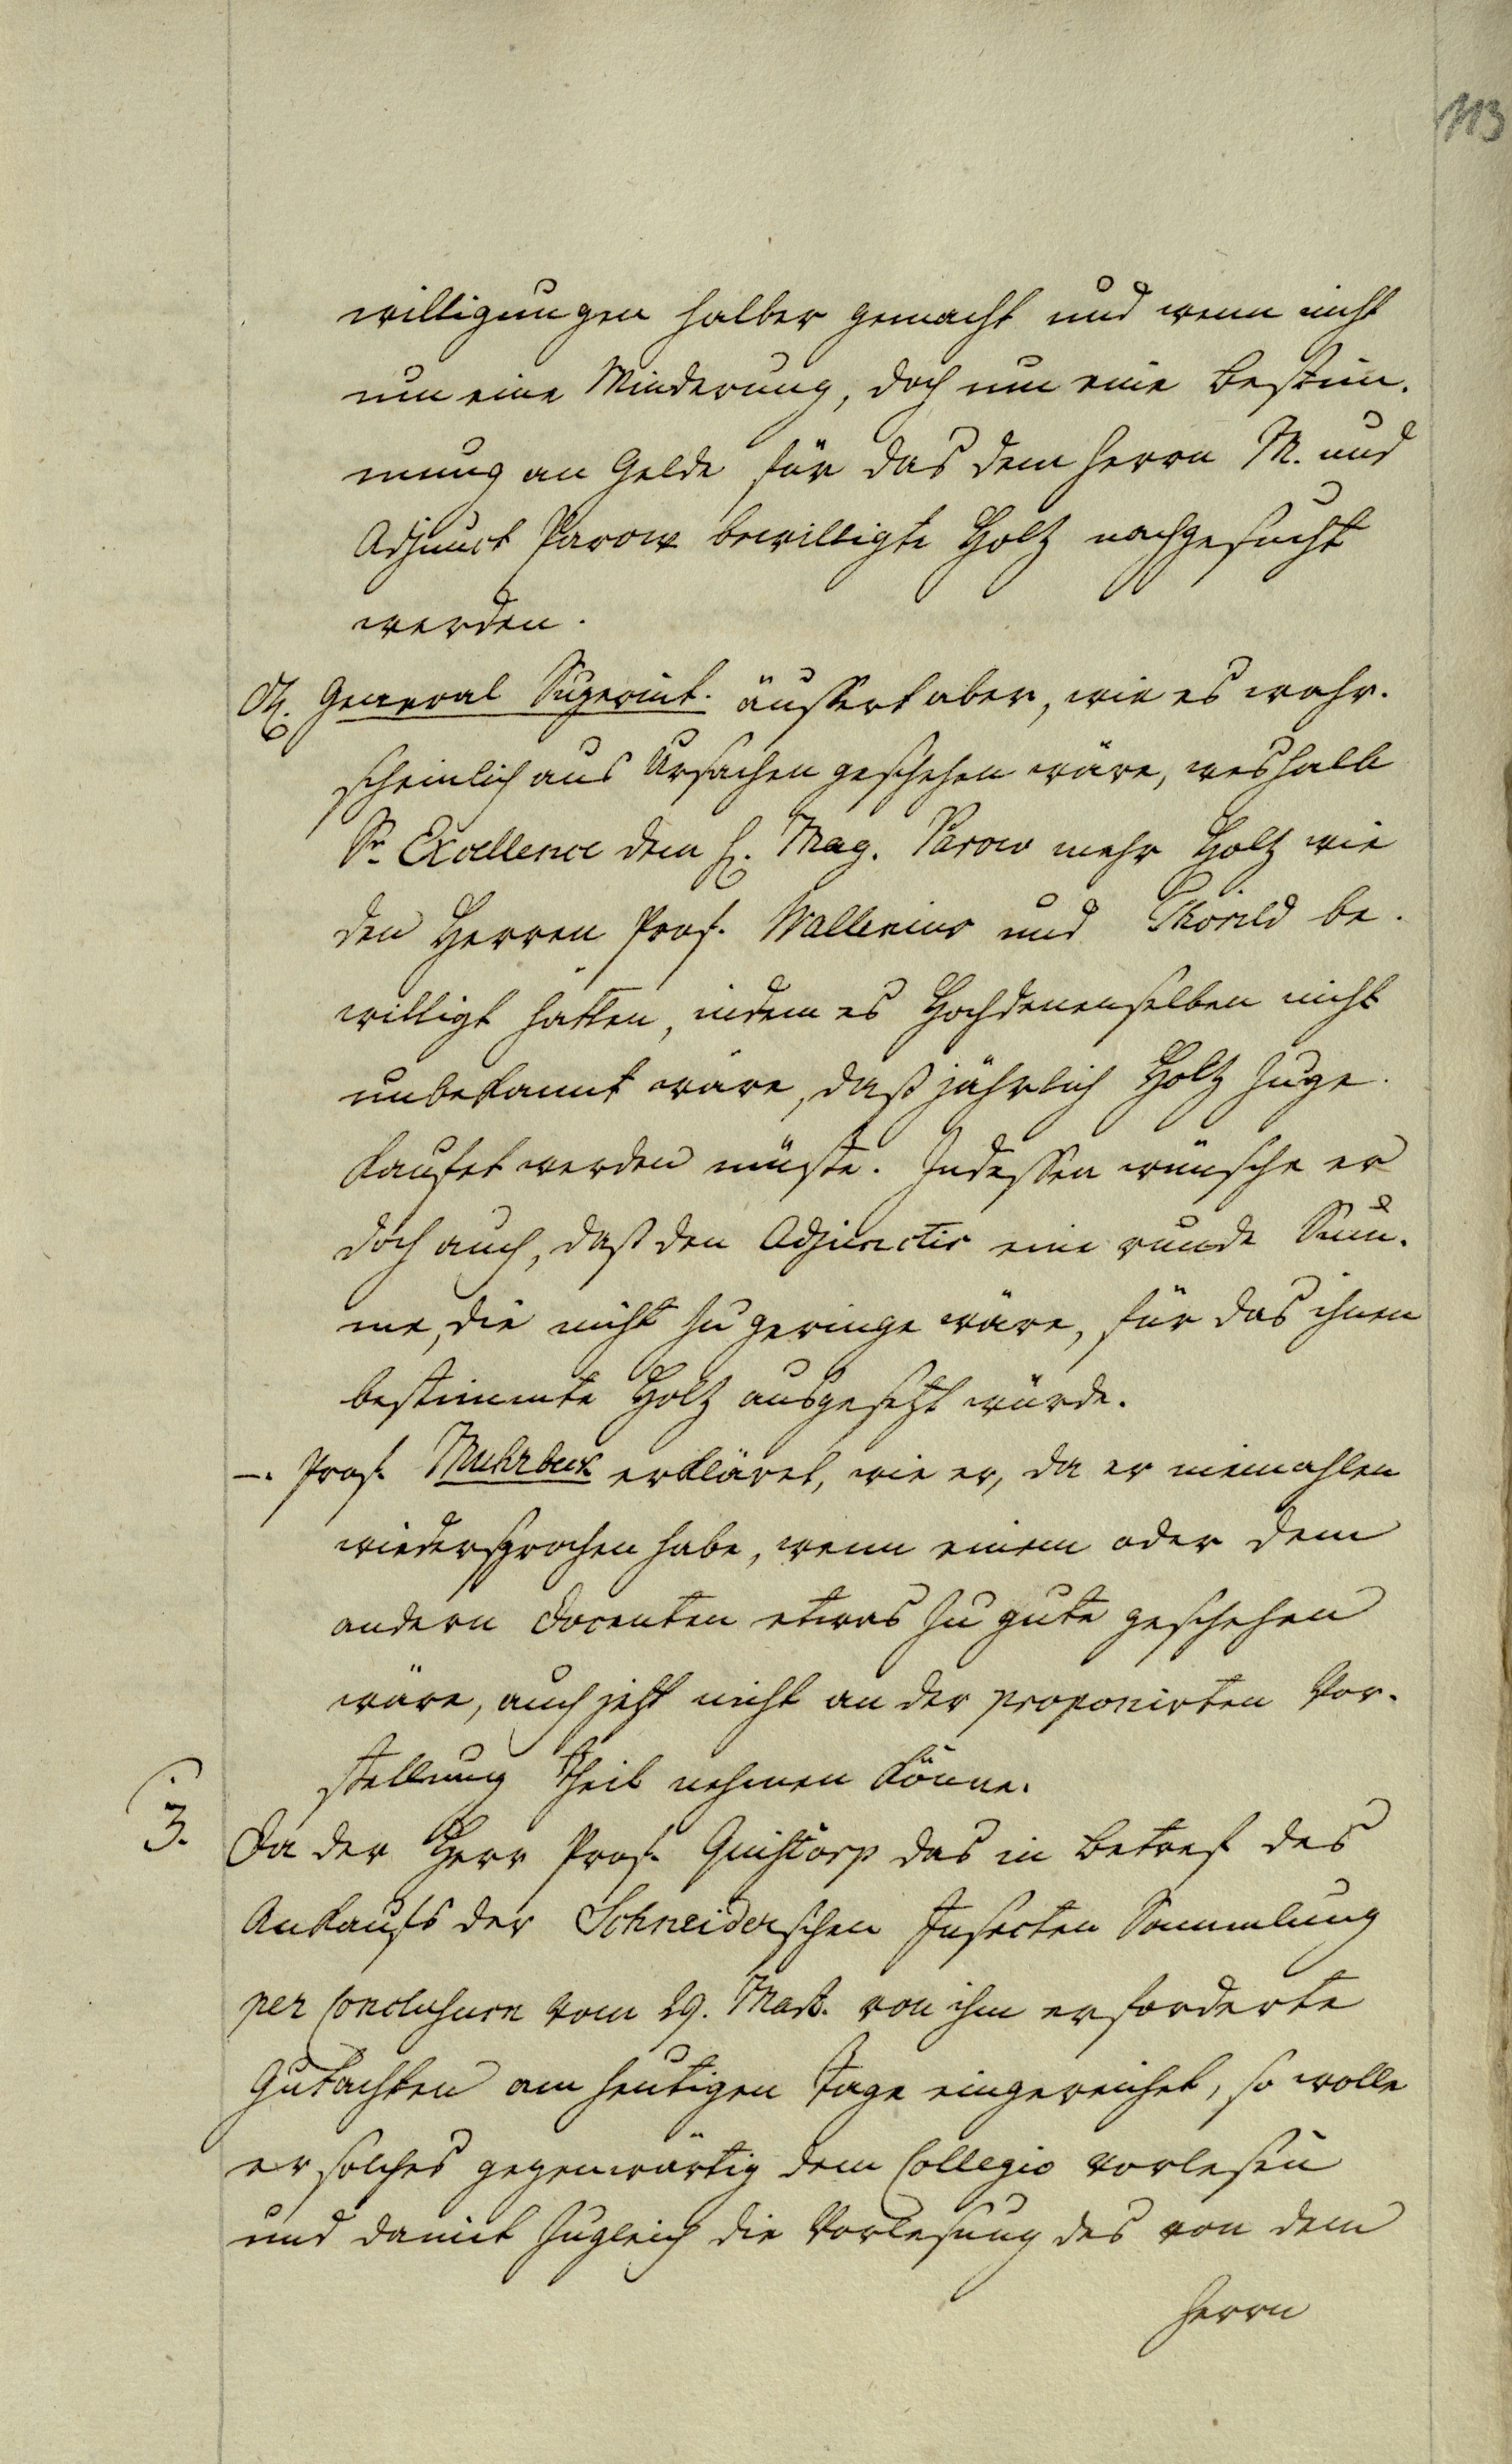willigungen halber gemacht und wenn nicht
um eine Minderung, doch um eine Bestim¬
mung an Gelde für das dem Herrn M. und
Adjunct Parow bewilligte Holz nachgesucht
werden.
dh. General Superint. äussert aber, wie es wahr¬
scheinlich aus Ursachen geschehen wäre, weshalb
Sr Excellence dem H. Mag. Parow mehr Holz wie
den Herren Prof. Wallenius und Thorild be¬
wiligt hätten, indem es Hochdenenselben nicht
unbekannt wäre, daß jährlich Holz zuge¬
kaufet werden müßte. Indessen wünsche er
doch auch, daß den Adjunctis eine runde Sum¬
me, die nicht zu geringe wäre, für das ihnen
bestimmte Holz ausgesetzt würde.
Prof. Muhrbeck erkläret, wie er, da er niemahlen
wiedersprochen habe, wenn einem oder dem
andern Docenten etwas zu gute geschehen
wäre, auch jetzt nicht an der proponirten Vor¬
tellung Theil nehmen könne.
3. Da der Herr Prof. Quistorp das in Betref des
Ankaufs der Schneiderschen Insecten Sammlung
per Conclusum vom 29. Mart. von ihm erforderte
Gutachten am heutigen Tage eingereichet, so wolle
er solches gegenwärtig dem Collegio vorlesen
und damit zugleich die Vorlesung des von dem
Herrn